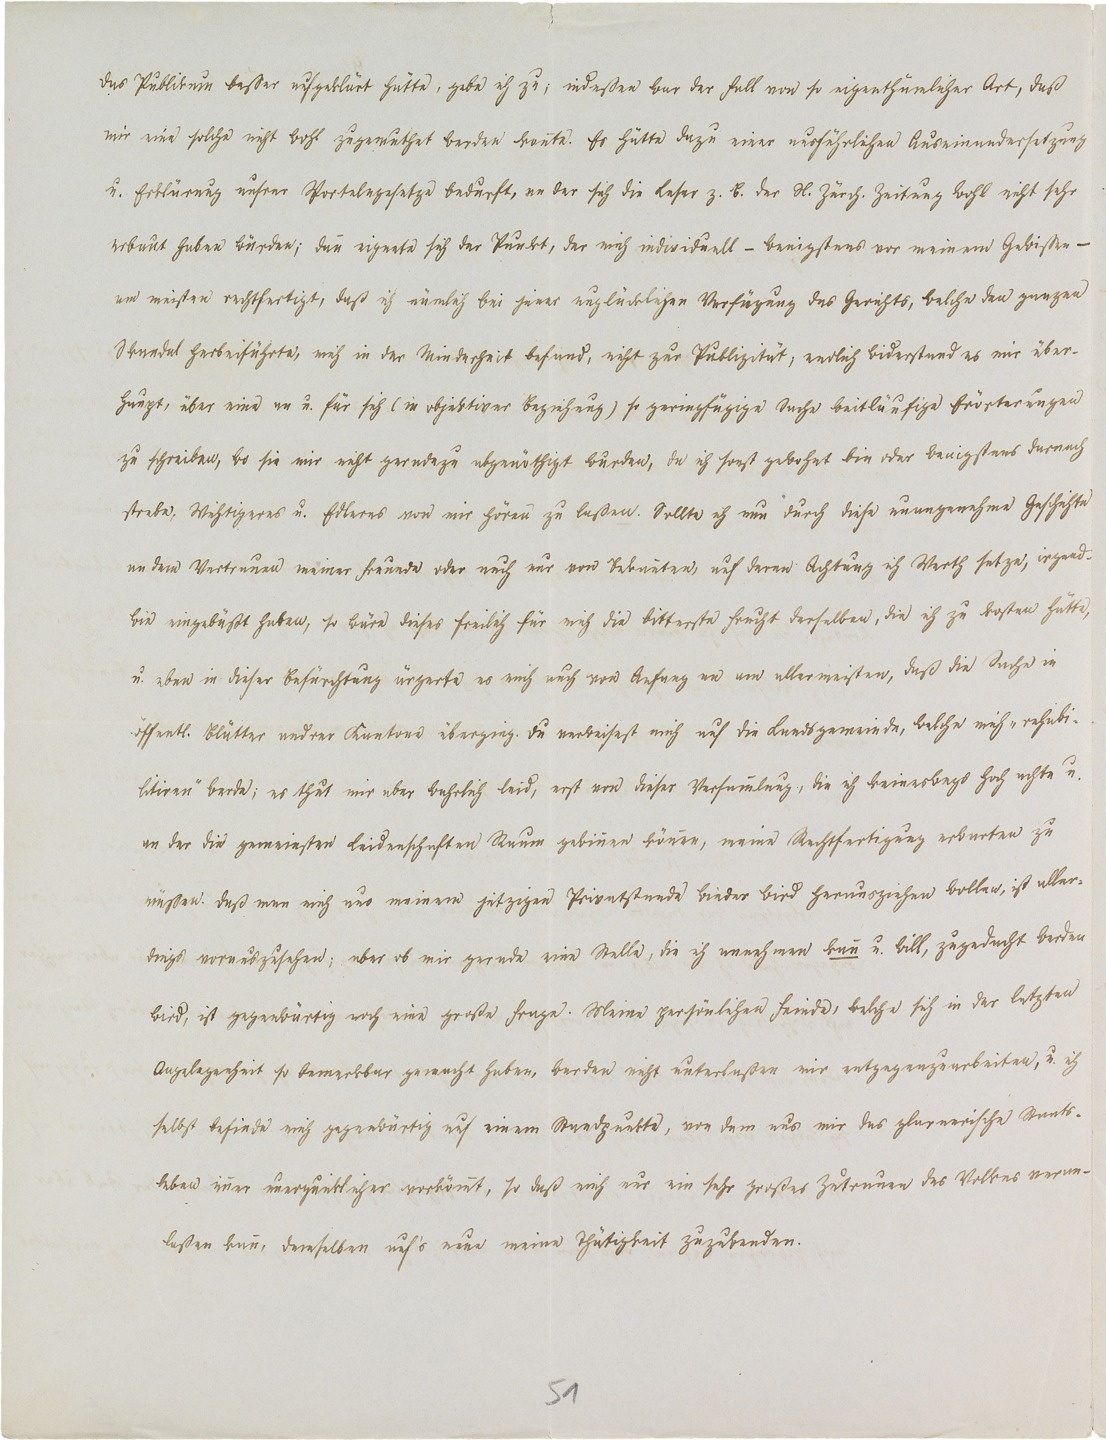das Publikum beßer aufgeklärt hätte, gebe ich zu; indeßen war der Fall von so eigenthümlicher Art, daß
mir eine solche nicht wohl zugemuthet werden konnte. Es hätte dazu einer ausführlichen Auseinandersetzung
u. Erklärung unsrer Sportelngesetze bedurft, an der sich die Leser z. B. der N. Zürch. Zeitung wohl nicht sehr
erbaut haben würden; dann eignete sich der Punkt, der mich individuell – wenigstens vor meinem Gewißen –
am meisten rechtfertigt, daß ich nämlich bei seiner unglücklichen Verfügung des Gerichts, welche den ganzen
Skandal herbeiführte, mich in der Minderheit befand, nicht zur Publizität, endlich widerstand es mir über-
haupt, über eine an u. für sich (in objektiver Beziehung) so geringfügige Sache weitläufige Erörterungen
zu schreiben, wo sie mir nicht geradezu abgenöthigt wurden, da ich sonst gewohnt bin oder wenigstens darnach
strebe, Wichtigeres u. Edleres von mir hören zu laßen. Sollte ich nun durch diese unangenehme Geschichte
an dem Vertrauen meiner Freunde oder auch nur von Bekannten, auf deren Achtung ich Werth setze, irgend-
wie eingebüßt haben, so würde dieses freilich für mich die bitterste Frucht derselben, die ich zu kosten hätte,
u. eben in dieser Befürchtung ärgerte es mich auch von Anfang an am allermeisten, daß die Sache in
öffentl. Blätter andrer Kantone überging. Du verweisest mich auf die Landsgemeinde, welche mich «rehabi-
litiren» werde; es thut mir aber wahrlich leid, erst von dieser Versammlung, die ich keinerwegs hoch achte u.
an der die gemeinsten Leidenschaften Raum gewinnen können, meine Rechtfertigung erwarten zu
müßen. Daß man mich aus meinem jetzigen Privatstande wieder wird herausziehen wollen, ist aller-
dings vorauszusehen; aber ob mir gerade eine Stelle, die ich annehmen kann u. will, zugedacht werden
wird, ist gegenwärtig noch eine große Frage. Meine persönlichen Feinde, welche sich in der letzten
Angelegenheit so bemerkbar gemacht haben, werden nicht unterlaßen mir entgegenzuarbeiten, u. ich
selbst befinde mich gegenwärtig auf einem Standpunkte, von dem aus mir das glarnerische Staats-
leben immer unerquicklicher vorkömmt, so daß mich nur ein sehr großes Zutrauen des Volkes veran-
laßen kann, demselben auf's neue meine Thätigkeit zuzuwenden.